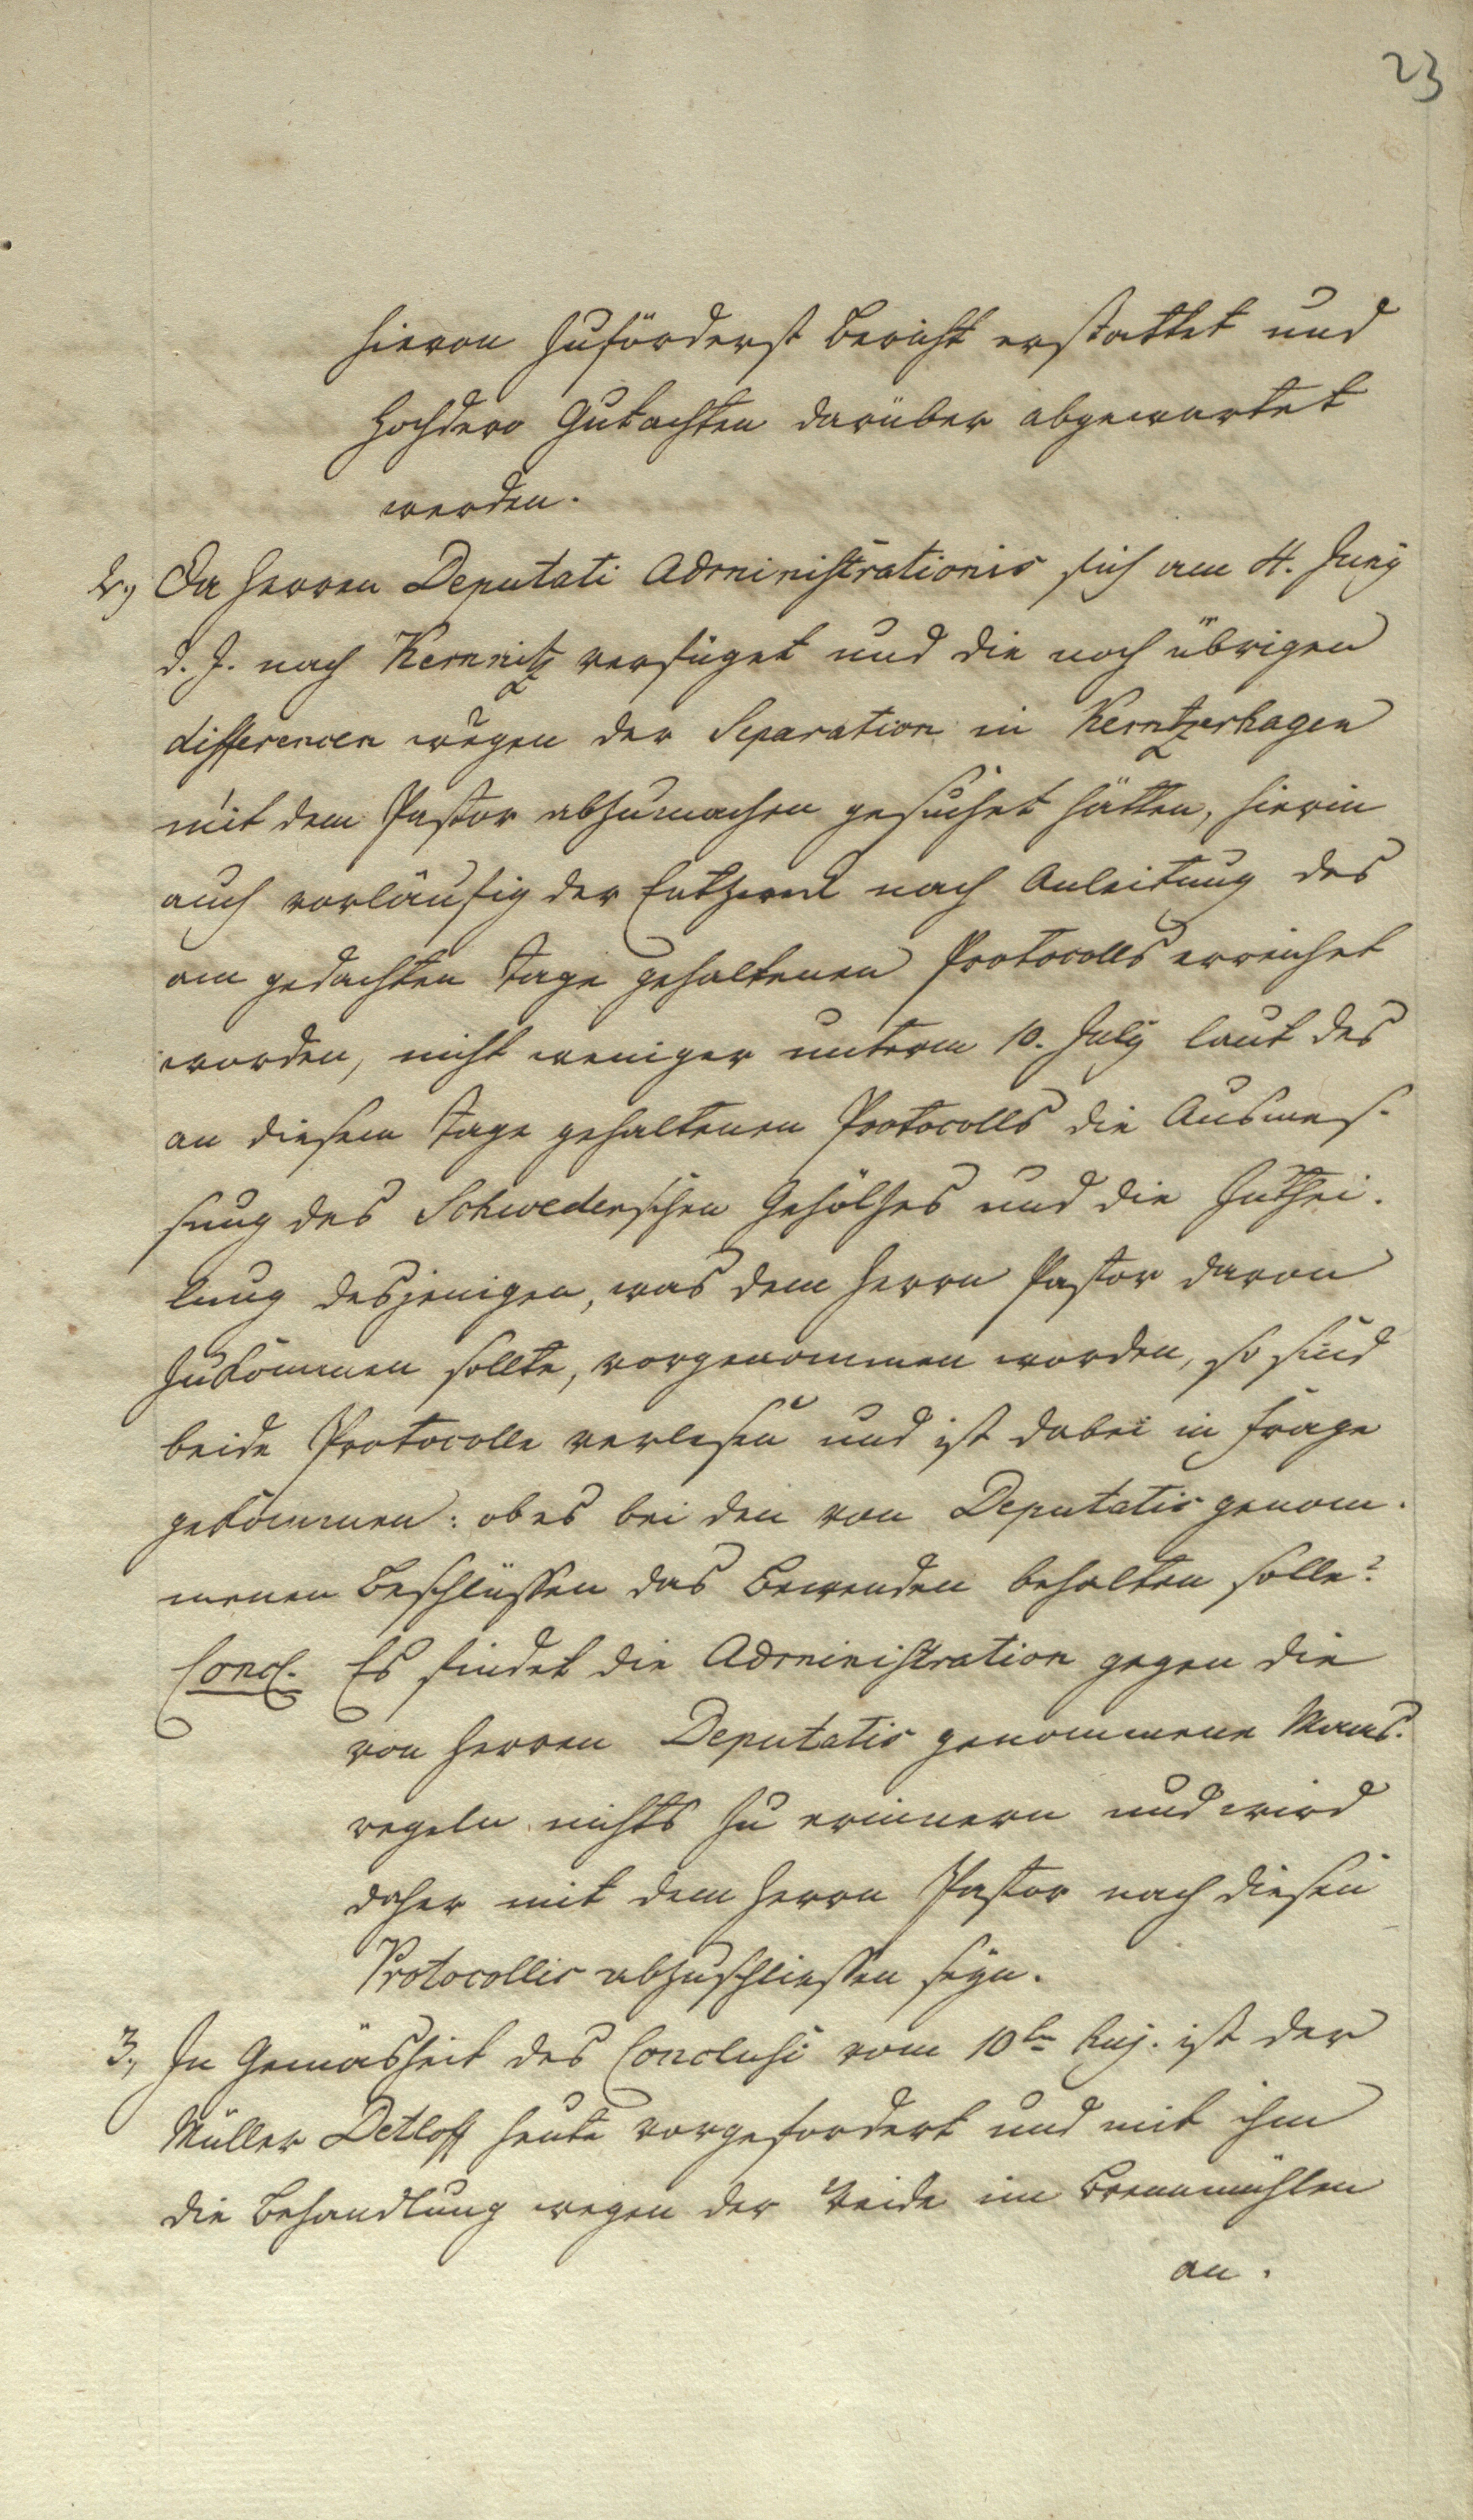hievon zuförderst Bericht erstattet und
hochdero Gutachten darüber abgewartet
werden.
2., Da Herren Deputati Administrationis sich am 4. Juny
d. J. nach Kemnitz verfüget und die noch übrigen
Differencen wegen der Separation in Kemtzerhagen
mit dem Pastor abzumachen gesuchet hätten, hierin
auch vorläufig der Entzweck nach Anleitung des
am gedachten Tage gehaltenen Protocolls erreichet
worden, nicht weniger unterm 10. July laut des
an diesem Tage gehaltenen Protocolls die Ausmes¬
sung des Schwederschen Gehöftes und die Zuthei¬
lung desjenigen, was dem Herrn Pastor davon
zukommen sollte, vorgenommen worden, so sind
beide Protocolle verlesen und ist dabei in Frage
gekommen: ob bei den von Deputatis genom¬
menen Beschlüssen das Bewenden behalten solle?
Concl. Es findet die Administration gegen die
von Herrn Deputatis genommene Maas¬
regeln nichts zu erinnern und wird
daher mit dem Herrn Pastor nach diesen
Protocollis abzuschliessen seyn.
3., In Gemäsheit des Conclusi vom 10ten huj. ist der
Müller Detloff heute vorgefordert und mit ihm
die Behandlung wegen der Weide im Brennmühlen
an¬